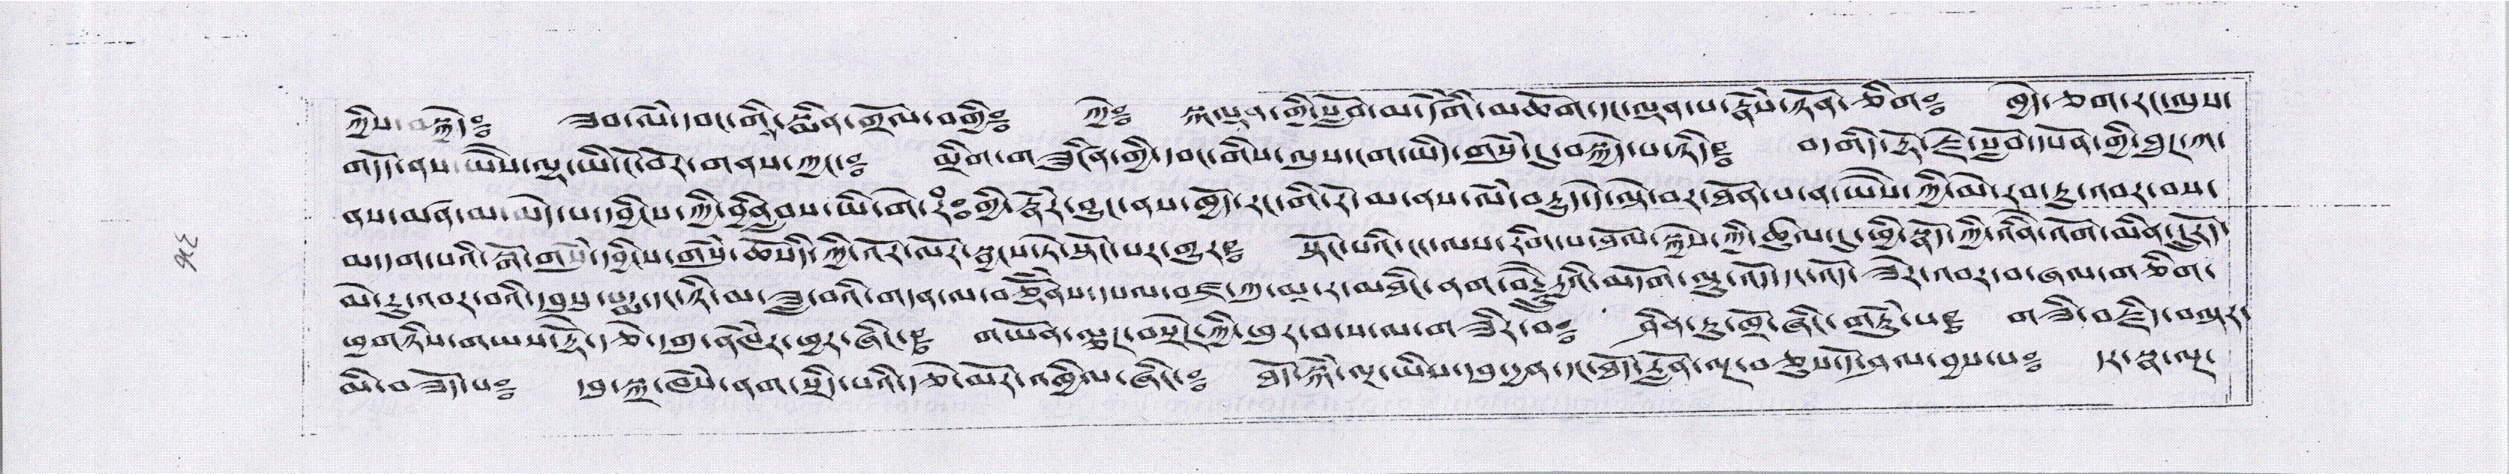ཀྱིས་བསྐྱེད༔ ཟབ་ལམ་དབང་གིས་སྨིན་གྲོལ་བགྱི༔ ཀྱེ༔ སྐལ་ལྡན་གྱི་སློབ་མ་དམ་ཚིག་གི་མཆོག་དང་ལྡན་པ་རྣམས་ཉོན་ཅིག༔ ཁྱེད་ཅག་རང་ལུས་
གདོད་ནས་ཡེ་ཤེས་ལྷ་ཡི་ངོ་བོར་གནས་ཀྱང༔ མ་རིག་གཟུང་འཛིན་གྱི་དབང་གིས་ལུས་ངག་ཡིད་གསུམ་དུ་བསྐྱེད་པ་ཉིད༔ བདག་ཉིད་རྡོ་རྗེ་སློབ་དཔོན་གྱི་ཐུགས་ཀ་
ནས་མཚན་མ་མེད་པ་དབྱིངས་ཀྱི་བྱིན་རླབས་ཡི་གེ་རཾཿགྱི་རྣམ་ཐར་བྱུང་ནས་ཁྱོད་རང་གི་རོ་མ་ནས་ལམ་བརྒྱུད་དེ་ལྟེ་བར་ཐོན་པ་ན་ཡེ་ཤེས་ཀྱི་མེ་རབ་ཏུ་འབར་བས་
མ་དག་པའི་སྒོ་གསུམ་དབྱིངས་གསུམ་ཆོས་ཉིད་ཀྱི་འཁོར་ལོར་སྦྱངས་ཏེ་སྟོང་པར་གྱུར༔ སྟོང་པའི་ངང་ལས་རིག་པ་ཐོལ་སྐྱེས་ཀྱི་ཚུལ་དུ་ཕྱི་སྣོད་ཀྱི་འཇིག་རྟེན་འོག་མིན་དུར་ཁྲོད་
མེ་རུ་འབར་བའི་དབུས་སུ་པདྨ་དང་ཉི་མ་ཟླ་བའི་གདན་ལ་བཅོམ་ལྡན་འདས་དཔལ་བཛྲ་ཀུ་མཱ་ར་མཐིང་ནག་བཻཌུརྱའི་མདོག་ལྟ་བུ་འོད་དང་འོད་ཟེར་འབར་བ་ཞལ་གཅིག་
ཕྱག་གཉིས་གཡས་རྡོ་རྗེ་རྩེ་དགུ་ནམ་མཁར་ཕྱར་ཞིང༔ གཡོན་ལྕགས་བསྲེགས་ཀྱི་ཕུར་པ་ས་ལ་གཟིར་བ༔ ཤིན་ཏུ་ཁྲོ་ཞིང་གཏུམ་པ༔ གཟི་བརྗིད་བལྟར་
མི་བཟོད་པ༔ དབུ་སྐྲ་ཁམས་ནག་སྲིད་པའི་རྩེ་མོར་འཁྱིལ་ཞིང༔ ཐོད་སྐམ་ལྔ་ཡིས་དབུ་རྒྱན་དང་ཐོད་རློན་ལྔ་བཅུས་དོ་ཤལ་བྱས་པ༔ དར་སྣ་ལྔ་